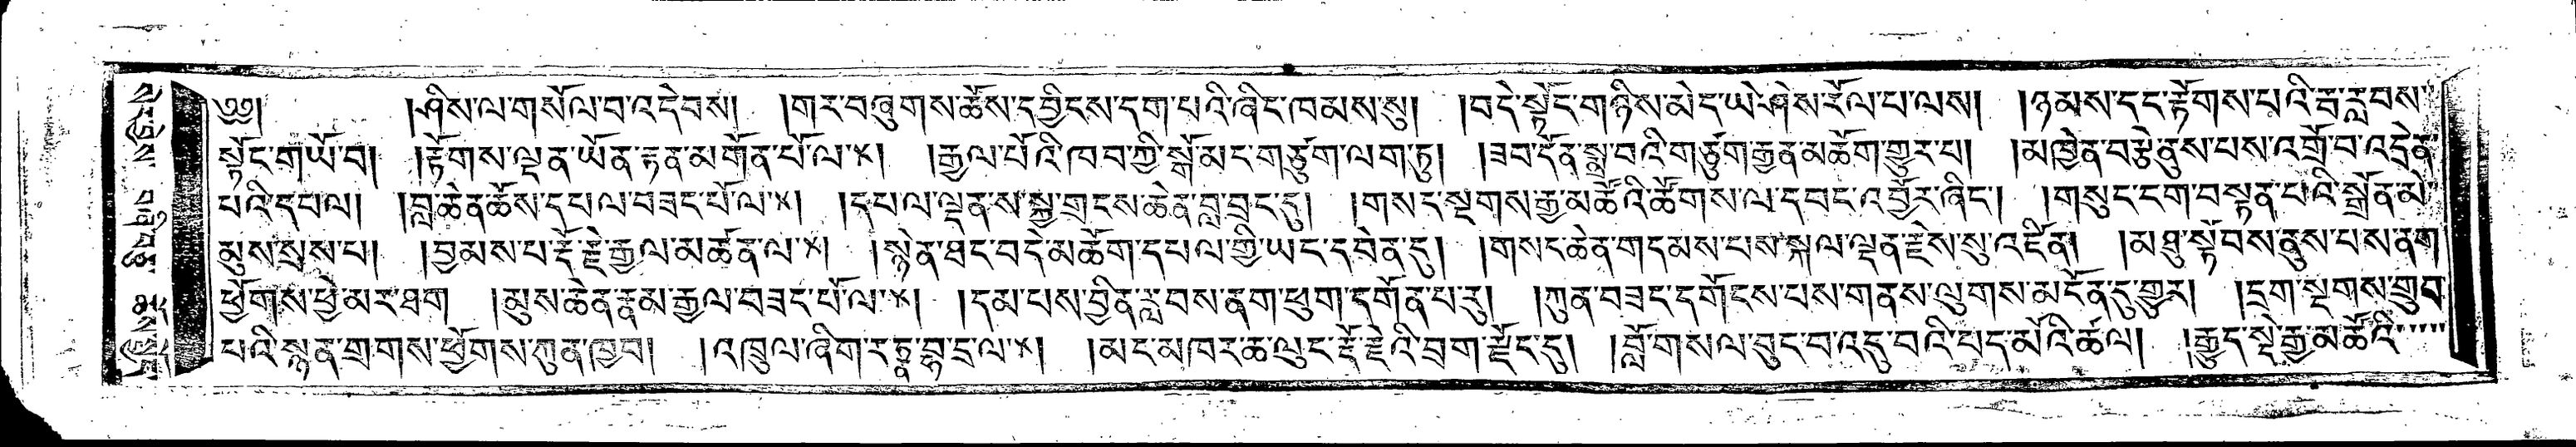༄༅། །ཤིས་ལ་གསོལ་བ་འདེབས། །གར་བཞུགས་ཆོས་དབྱིངས་དག་པའི་ཞིང་ཁམས་སུ། །བདེ་སྟོང་གཉིས་མེད་ཡེ་ཤེས་རོལ་པ་ལས། །ཉམས་དང་རྟོགས་པའི་རྦ་རླབས་
སྟོང་གཡོ་བ། །རྟོགས་ལྡན་ཡོན་རྟན་མགོན་པོ་ལ་{྾}། །རྒྱལ་པོའི་ཁབ་ཀྱི་སྒོ་མང་གཙུག་ལག་ཏུ། །ཟབ་དོན་སྨྲ་བའི་གཙུག་རྒྱན་མཆོག་གྱུར་པ། །མཁྱེན་བརྩེ་ནུས་པས་འགྲོ་བ་འདྲེན་
པའི་དཔལ། །བླ་ཆེན་ཆོས་དཔལ་བཟང་པོ་ལ་{྾}། །དཔལ་ལྡན་ས་སྐྱ་གྲངས་ཆེན་བླ་བྲང་དུ། །གསང་སྔགས་རྒྱ་མཚོའི་ཚོགས་ལ་དབང་འབྱོར་ཞིང་། །གསུང་ངག་བསྟན་པའི་སྒྲོན་མེ་
མུས་སྲས་པ། །བྱམས་པ་རྡོ་རྗེ་རྒྱལ་མཚན་ལ་{྾}། །སྙེན་ཐང་བདེ་མཆོག་དཔལ་གྱི་ཡང་དབེན་དུ། །གསང་ཆེན་གདམས་པས་སྐལ་ལྡན་རྗེས་སུ་འཛིན། །མཐུ་སྟོབས་ནུས་པས་ནག་
ཕྱོགས་ཕྱེ་མར་ཐག། མུས་ཆེན་རྣམ་རྒྱལ་བཟང་པོ་ལ་{྾}། །དམ་པས་བྱིན་རླབས་ནག་ཕུག་དགོན་པ་རུ། །ཀུན་བཟང་དགོངས་པས་གནས་ལུགས་མངོན་དུ་གྱུར། །དྲག་སྔགས་གྲུབ་
པའི་སྙན་གྲགས་ཕྱོགས་ཀུན་ཁྱབ། །འཁྲུལ་ཞིག་རཏྣ་བྷ་དྲ་ལ་{྾}། །མང་མཁར་ཆ་ལུང་རྡོ་རྗེའི་བྲག་རྫོང་དུ། །བློ་གསལ་བུང་བ་འདུ་བའི་པད་མོའི་ཚལ། །རྒྱུད་སྡེ་རྒྱ་མཚོའི་